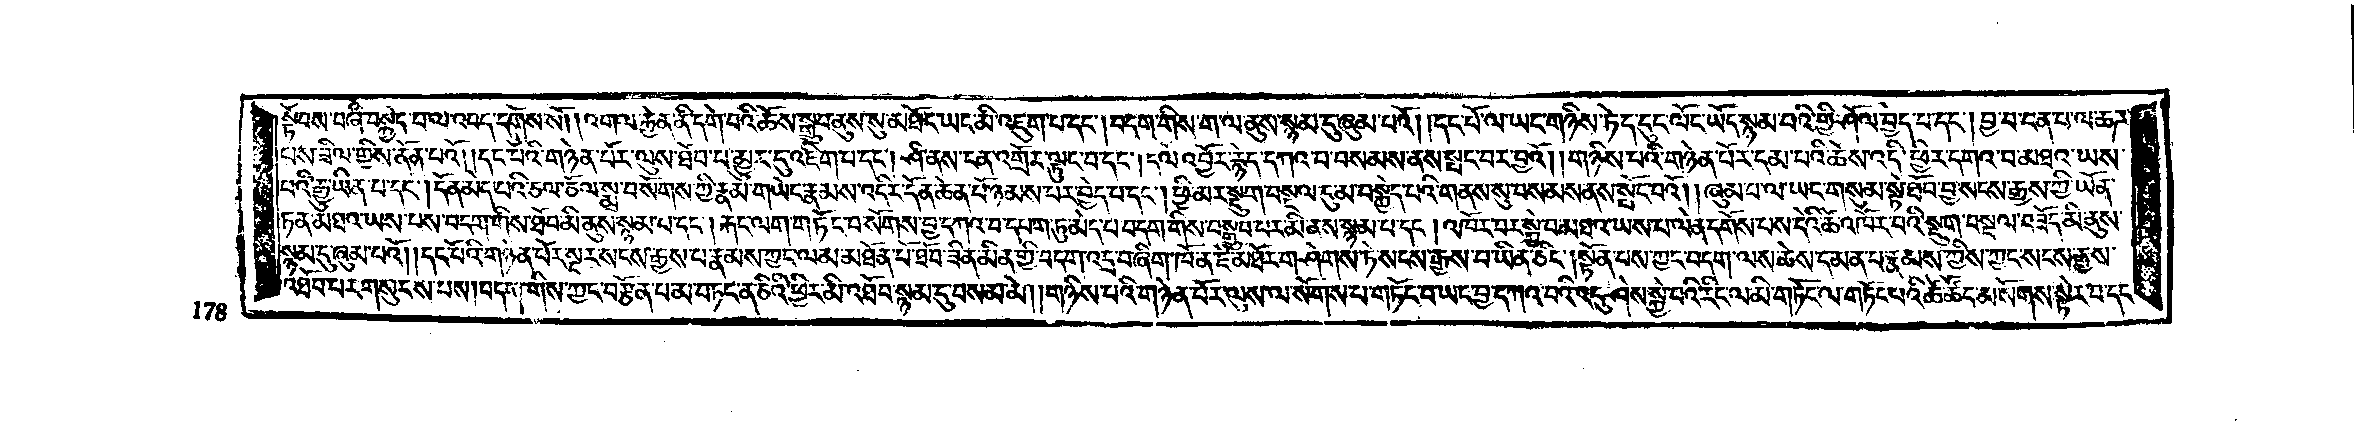སྟོབས་བཞི་བསྐྱེད་པ་ལ་འབད་དགོས་སོ། །འགལ་རྐྱེན་ནི་དགེ་བའི་ཆོས་སྒྲུབ་ནུས་སུ་མཐོང་ཡང་མི་འཇུག་པ་དང་། བདག་གིས་ག་ལ་ནུས་སྙམ་དུ་ཞུམ་པའོ། །དང་པོ་ལ་ཡང་གཉིས་ཏེ་ད་དུང་ལོང་ཡོད་སྙམ་པའི་གྱི་ཤོལ་བྱེད་པ་དང་། བྱ་བ་ངན་པ་ལ་ཆགས་
པས་ཟིལ་གྱིས་ནོན་པའོ། །དང་པོའི་གཉེན་པོར་ལུས་ཐོབ་པ་མྱུར་དུ་འཇུག་པ་དང་། ཤི་ནས་ངན་འགྲོར་ལྟུང་བ་དང་། དལ་འབྱོར་རྙེད་དཀའ་བ་བསམས་ནས་སྤང་བར་བྱའོ། །གཉིས་པའི་གཉེན་པོར་དམ་པའི་ཆོས་འདི་ཕྱིར་དགའ་བ་མཐའ་ཡས་
པའི་རྒྱུ་ཡིན་པ་དང་། དོན་མེད་པའི་ཅལ་ཅོལ་སྨྲ་བ་སོགས་ཀྱི་རྣམ་གཡེང་རྣམས་འདིར་དོན་ཆེན་པོ་ཉམས་པར་བྱེད་པ་དང་། ཕྱི་མར་སྡུག་བསྔལ་དུ་མ་བསྐྱེད་པའི་གནས་སུ་བསམས་ནས་སྤོང་བའོ། །ཞུམ་པ་ལ་ཡང་སུམ་སྟེ་ཐོབ་བྱ་སངས་རྒྱས་ཀྱི་ཡོན་
ཏན་མཐའ་ཡས་པས་བདག་གིས་ཐོབ་མི་ནུས་སྙམ་པ་དང་། རྐང་ལག་གཏོང་བ་སོགས་བྱ་དཀའ་བ་དཔག་ཏུ་མེད་པ་བདག་གིས་བསྒྲུབ་པར་མི་ནས་སྙམ་པ་དང་། འཁོར་བར་སྐྱེ་བ་མཐའ་ཡས་པ་ལེན་དགོས་པས་དེའི་ཚེ་འཁོར་བའི་སྡུག་བསྔལ་བཟོད་མི་ནུས་
སྙམ་དུ་ཞུམ་པའོ། །དང་པོའི་གཉེན་པོར་སྔར་སངས་རྒྱས་པ་རྣམས་ཀྱང་ལམ་མཐོན་པོ་ཐོབ་ཟིན་མིན་གྱི་བདག་འདྲ་བ་ཞིག་ཁོ་ན་ཇ?་མཐོར་གཤེགས་ཏེ་སངས་རྒྱས་པ་ཡིན་ཅིང་། སྟོན་པས་ཀྱང་བདག་ལས་ཆོས་དམན་པ་རྣམས་ཀྱིས་ཀྱང་སངས་རྒྱས་
འཐོབ་པར་གསུངས་པས། བདག་གིས་ཀྱང་བརྩོན་པ་མ་བཏང་ན་ཅིའི་ཕྱིར་མི་འཐོབ་སྙམ་དུ་བསམ་མོ། །གཉིས་པའི་གཉེན་པོར་ལུས་ལ་སོགས་པ་གཏོང་བ་ཡང་བྱ་དཀའ་བའི་འདུ་ཤེས་སྐྱེ་བའི་རིང་ལ་མི་གཏོང་ལ་གཏོང་བའི་ཚེ་ཚོང་མ་སོགས་སྟེར་བ་དང་